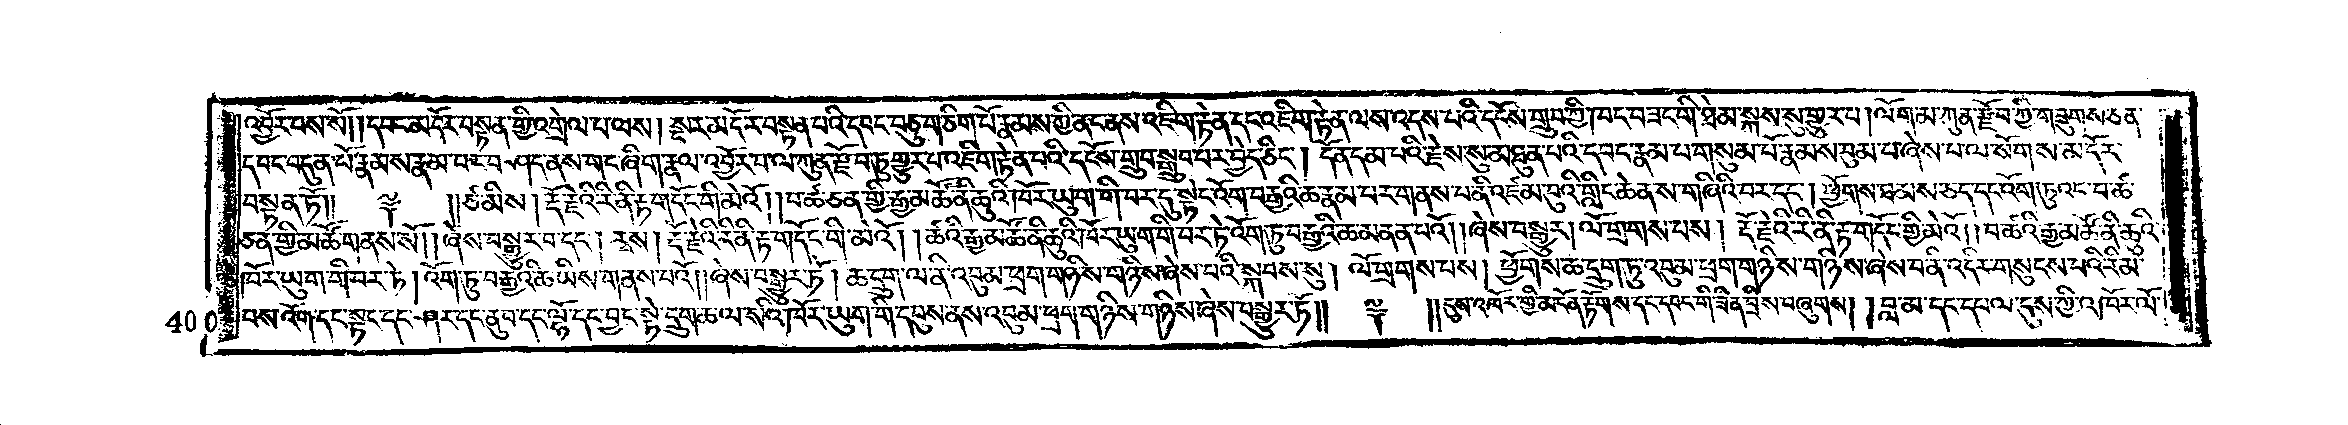འབྱོར་བས་སོ། །དབང་མདོར་བསྟན་གྱི་འགྲེལ་པ་ལས། སྔར་མདོར་བསྟན་པའི་དབང་བཅུ་གཅིག་པོ་རྣམས་ཀྱི་ནང་ནས་འཇིག་རྟེན་དང་འཇིག་རྟེན་ལས་འདས་པའི་དངོས་གྲུབ་ཀྱི་ཁང་བཟང་གི་ཐེམ་སྐས་སུ་གྱུར་པ། ལོག་མ་ཀུན་རྫོབ་ཀྱི་གཟུགས་ཅན་
དབང་བདུན་པོ་རྣམས་རྣམ་པར་བཤད་ནས་གང་ཞིག་རྣལ་འབྱོར་པ་ལ་ཀུན་རྫོབ་ཏུ་གྱུར་པ་འཇིག་རྟེན་པའི་དངོས་གྲུབ་སྒྲུབ་པར་བྱེད་ཅིང་། དོན་དམ་པའི་རྗེས་སུ་མཐུན་པའི་དབང་རྣམ་པ་གསུམ་པོ་རྣམས་བུམ་པ་ཞེས་པ་ལ་སོགས་མདོར་
བསྟན་ཏོ།། ༈ །།ཙ་མིས། རྡོ་རྗེའི་རི་ནི་རྟ་གདོང་གི་མེའོ། །བ་ཚ་ཅན་གྱི་རྒྱ་མཚོ་ནི་ཆུའི་ཁོར་ཡུག་གི་བར་དུ་སྟེང་འོག་བརྒྱའི་ཆ་རྣམ་པར་གནས་པ་ནི་འཛམ་བུའི་གླིང་ཆེན་ས་གཞིའི་བར་དང་། ཕྱོགས་ཐམས་ཅད་དང་འོག་ཏུའང་བ་ཚ་
ཅན་གྱི་མཚོ་གནས་སོ། །ཞེས་བསྒྱུར་བ་དང་། རྭས། རྡོ་རྗེའི་རི་ནི་རྟ་གདོང་གི་མེའོ། །ཚའི་རྒྱ་མཚོ་ནི་ཆུའི་ཁོར་ཡུག་གི་བར་ཏེ་འོག་ཏུ་བརྒྱའི་ཆ་མནན་པའོ། །ཞེས་བསྒྱུར། ལོ་གྲགས་པས། རྡོ་རྗེའི་རི་ནི་རྟ་གདོང་གྱི་མེའོ། །བ་ཚའི་རྒྱ་མཚོ་ནི་ཆུའི་
ཁོར་ཡུག་གི་བར་ཏེ། འོག་ཏུ་བརྒྱའི་ཆ་ཡིས་གནས་པའོ། །ཞེས་བསྒྱུར་ཏོ། ཆ་དྲུག་ལ་ནི་འབུམ་ཕྲག་གཉིས་གཉིས་ཞེས་པའི་སྐབས་སུ། ལོ་གྲགས་པས། ཕྱོགས་ཆ་དྲུག་ཏུ་འབུམ་ཕྲག་གཉིས་གཉིས་ཞེས་པ་ནི་འདིར་གསུངས་པའི་རིམ་
པས་འོག་དང་སྟང་དང་ཤར་དང་ནུབ་དང་ལྷོ་དང་བྱང་སྟེ་དྲུག་ཆ་ལ་སའི་འཁོར་ཡུག་གི་དབུས་ནས་འབུམ་ཕྲག་གཉིས་གཉིས་ཞེས་བསྒྱུར་ཏོ།། ༈ །། དུས་འཁོར་གྱི་མངོན་རྟོགས་དང་དབང་གི་ཟིན་བྲིས་བཞུགས།  །བླ་མ་དང་དཔལ་དུས་ཀྱི་འཁོར་ལོ་